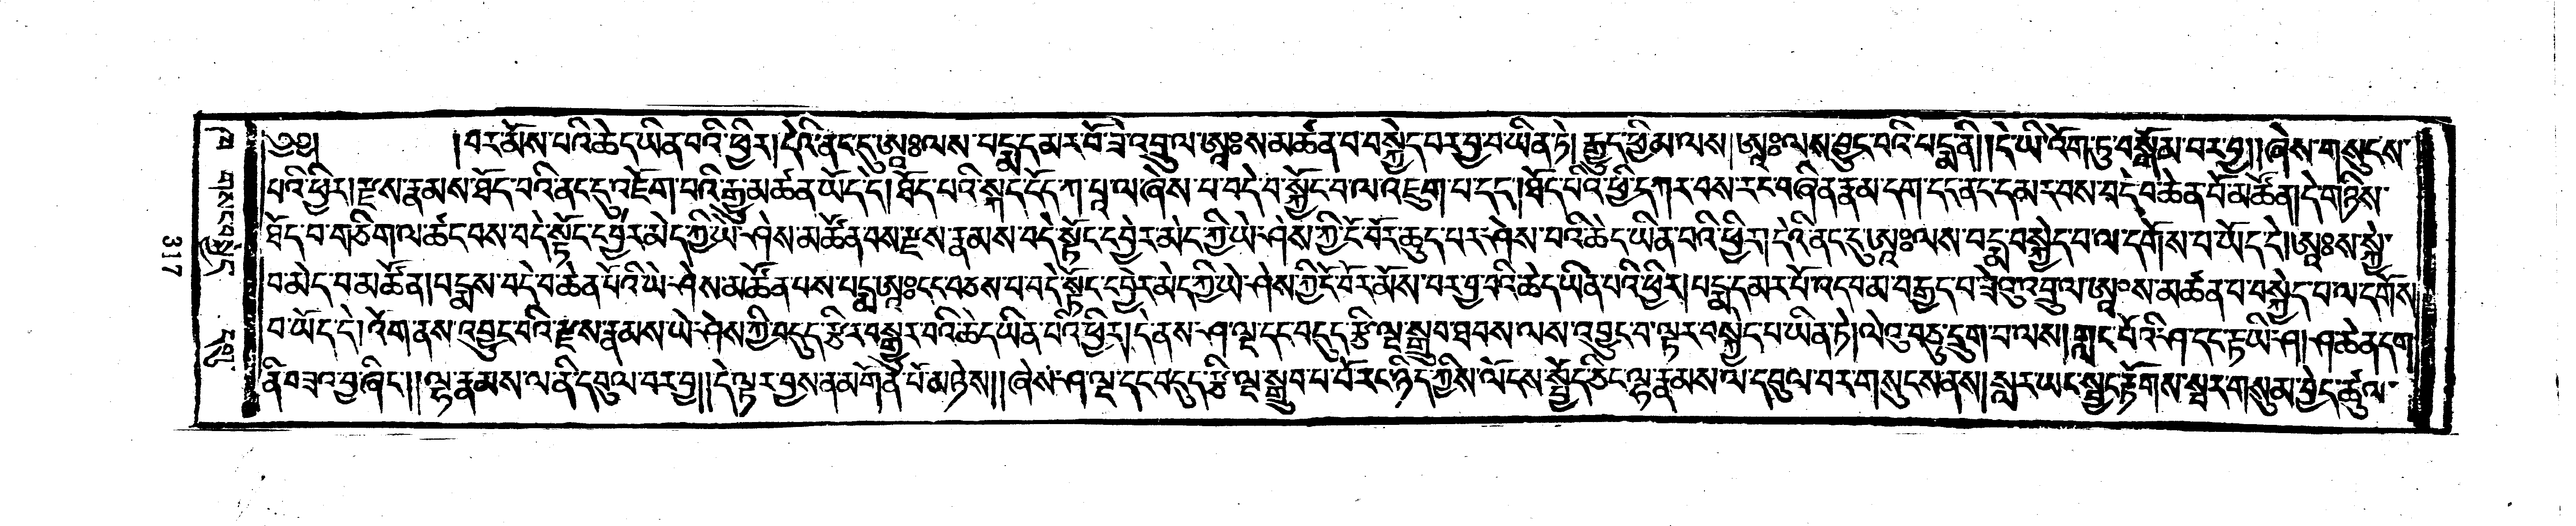༄༅། །བར་མོས་པའི་ཆེད་ཡིན་པའི་ཕྱིར། དེའི་ནང་དུ་ཨཱཿ ལས་པདམ་དམར་པོ་ཟེ་འབྲུ་ལ་ཨཱཿ ས་མཚན་པ་བསྐྱེད་པར་བྱ་བ་ཡིན་ཏེ། རྒྱུད་ཕྱི་མ་ལས། ཨཱཿ ལས་བྱུང་བའི་པདམ་ནི། །དེ་ཡི་འོག་ཏུ་བསྒོམ་པར་བྱ། །ཞེས་གསུངས་
པའི་ཕྱིར། རྫས་རྣམས་ཐོད་པའི་ནང་དུ་འཇོག་པའི་རྒྱུ་མཚན་ཡོད་དེ། ཐོད་པའི་སྐད་དོད་ཀ་བཱ་ལ་ཞེས་པ་བདེ་བ་སྐྱོང་བ་ལ་འཇུག་པ་དང་། ཐོད་པའི་ཕྱི་དཀར་བས་རང་བཞིན་རྣམ་དག་དང་ནང་དམར་བས་བདེ་བ་ཆེན་པོ་མཚོན། དེ་གཉིས་
ཐོད་པ་གཅིག་ལ་ཚང་བས་བདེ་སྟོང་དབྱེར་མེད་ཀྱི་ཡེ་ཤེས་མཚོན་བས་རྫས་རྣམས་བདེ་སྟོང་དབྱེར་མེད་ཀྱི་ཡེ་ཤེས་ཀྱི་ངོ་བོར་ཆུད་པར་ཤེས་པའི་ཆེད་ཡིན་པའི་ཕྱིར། དེའི་ནང་དུ་ཨཱཿ ལས་པདམ་བསྐྱེད་པ་ལ་དགོས་པ་ཡོད་དེ། ཨཱཿ ས་སྐྱེ་
བ་མེད་པ་མཚོན། པདམས་བདེ་བ་ཆེན་པོའི་ཡེ་ཤེས་མཚོན་པས་པདམ་ཨཱཿ དང་བཅས་པ་བདེ་སྟོང་དབྱེར་མེད་ཀྱི་ཡེ་ཤེས་ཀྱི་ངོ་བོར་མོས་པར་བྱ་བའི་ཆེད་ཡིན་པའི་ཕྱིར། པདམ་དམར་པོ་འདབ་མ་བརྒྱད་པ་ཟེའུ་འབྲུ་ལ་ཨཱཿ ས་མཚན་པ་བསྐྱེད་པ་ལ་དགོས་
བ་ཡོད་དེ། འོག་ནས་འབྱུང་བའི་རྫས་རྣམས་ཡེ་ཤེས་ཀྱི་བདུད་རྩིར་བསྒྱུར་བའི་ཆེད་ཡིན་པའི་ཕྱིར། དེ་ནས་ཤ་ལྔ་དང་བདུད་རྩི་ལྔ་སྒྲུབ་ཐབས་ལས་འབྱུང་བ་ལྟར་བསྐྱེད་པ་ཡིན་ཆེན་དག་ནི་བཟའ་བྱ་ཞིང་། །ལྷ་རྣམས་ལ་ནི་དབུལ་བར་བྱ། ཆེན་དག་
ནི་བཟའ་བྱ་ཞིང་། །ལྷ་རྣམས་ལ་ནི་དབུལ་བར་བྱ། །དེ་ལྟར་བྱས་ན་མགོན་པོ་མཉེས། །ཞེས་ཤ་ལྔ་དང་བདུད་རྩི་ལྔ་སྒྲུབ་པ་པོ་རང་ཉིད་ཀྱིས་ལོངས་སྤྱོད་ཅིང་ལྷ་རྣམས་ལ་དབུལ་བར་གསུངས་ནས། སླར་ཡང་སྦྱང་རྟོགས་སྦར་གསུམ་བྱེད་ཚུལ་